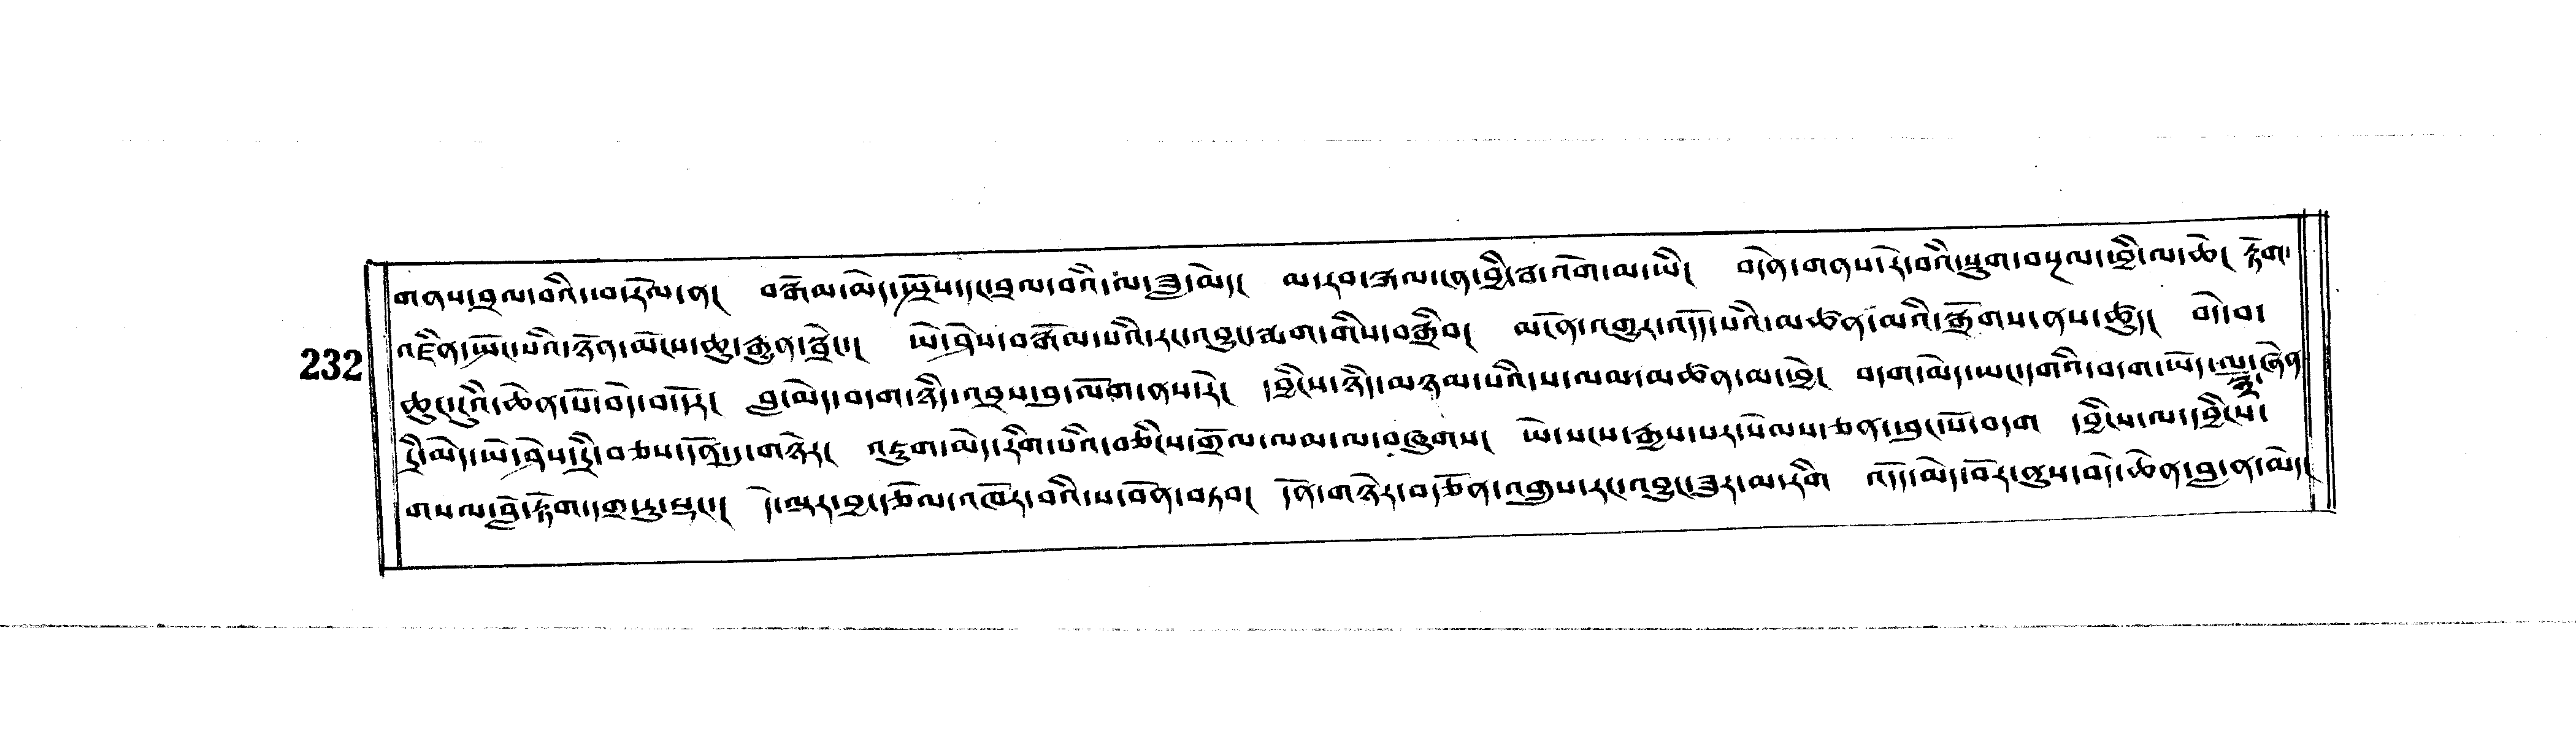གནས་བྲལ་བའི་ཕ་རོལ་ན། བསྒོམ་མེད་སྤྲོས་དང་བྲལ་བའི་ལ་ཟླ་མེད། མ་རབས་སྐལ་ངན་བྱི་སྦ་འོག་མ་ཡི། བདེ་གནས་རེ་བའི་སྡུག་བསྔལ་ཕྱི་ལ་ཆེ། རྟོག་
འཛིན་སྤོང་བའི་ཉོན་མོངས་ཆུ་རྒྱུན་སྦྲེང་། ཡེ་ཤེས་བསྒོམ་པའི་རང་བྱུང་སྨྲག་གིས་བསྒྲིབས། མངོན་གྱུར་འདོད་པའི་མཚན་མའི་སྒྲོགས་ནས་ཚུད། བདེ་བ་
ཆུང་ངུའི་ཆེན་པོའི་བདེ་བ་དོར། བླ་མེད་བདག་ཉིད་འབྲས་བུ་ལོགས་ན་རེ། དབྱིངས་ཉིད་མཉམ་པའི་ས་ལམ་མཚན་མ་ཕྱེ། བདག་མེད་ཡང་དགའི་བདག་ཡོད་སྒྲོ་ལ་ཞེན། 
དྲི་མེད་ཡེ་ཤེས་དྲི་བཅས་དོན་དུ་གཉེར། འཇུག་མེད་རིག་པའི་བཅིང་གྲོལ་ལམ་ལ་བཞུགས། ཡེ་སངས་རྒྱས་པར་སེམས་ཅན་ཕུང་པོ་བདག དབྱིངས་ལ་དབྱིངས་
གསལ་བློ་རྟོག་དགྲ་རུ་སྡང་། དེ་ལྟར་བྱ་རྩོལ་འཁོར་བའི་ས་བོན་བཏབ། དོན་གཉེར་བརྩོན་འགྲུས་རང་འབྱུང་ཟུར་མ་རིག འདོད་མེད་བོར་ནུས་བདེ་ཆེན་བླ་ན་མེད།